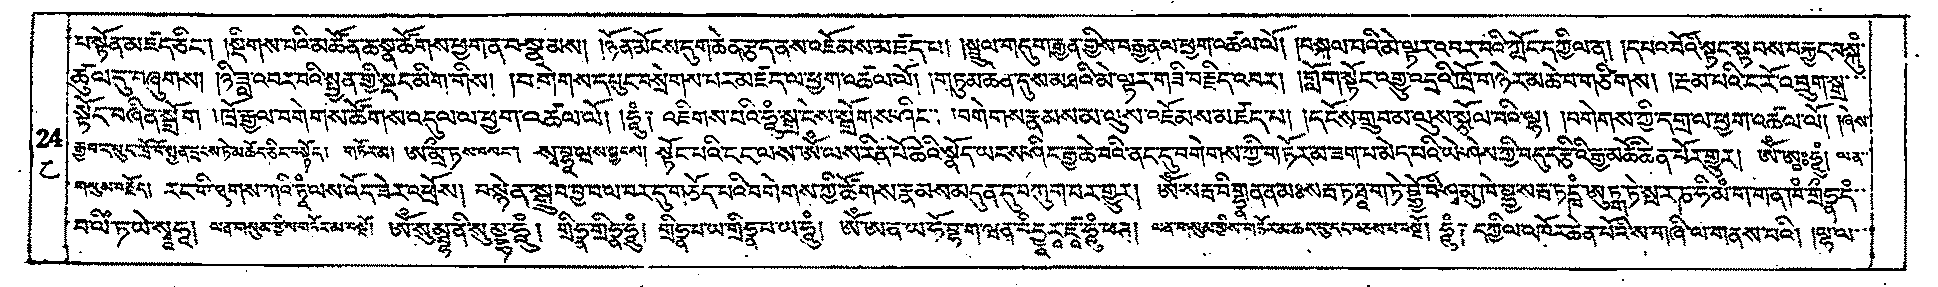པ་སྟོན་མཛད་ཅིང་། །སྡིགས་པའི་མཚོན་ཆ་སྣ་ཚོགས་ཕྱག་ན་བསྣམས། །ཉོན་མོངས་དུག་ཆེན་རྩད་ནས་འཇོམས་མཛད་པ། །སྦྲུལ་གདུག་རྒྱན་གྱིས་བརྒྱན་ལ་ཕྱག་འཚལ་ལོ། །བསྐལ་པའི་མེ་ལྟར་འབར་བའི་ཀློང་དཀྱིལ་ན། །དཔའ་བོའི་སྟང་སྟབས་བརྐྱང་བསྐུཾ་
ཚུལ་དུ་བཞུགས། །ཉི་ཟླ་འབར་བའི་སྤྱན་གྱི་སྡང་མིག་གིས། །བགེགས་དཔུང་བསྲེགས་པར་མཛད་ལ་ཕྱག་འཚལ་ལོ། །གཏུམ་ཆེན་དུས་མཐའི་མེ་ལྟར་གཟི་བརྗིད་འབར། །གློག་སྟོང་འགྱུར་འདྲའི་ཁྲོ་གཉེར་མཆེ་བ་གཙིགས། །རྔམ་པའི་ང་རོ་འབྲུག་སྒྲ་་་
སྟོང་བཞིན་སྒྲོག །ཁྲོ་རྒྱལ་བགེགས་ཚོགས་འདུལ་ལ་ཕྱག་འཚལ་ལོ། །ཧཱུཾ༑ འཇིགས་པའི་ཧཱུཾ་སྒྲ་ངེས་སྒྲོགས་ཤིང་། །བགེགས་རྣམས་མ་ལུས་འཇོམས་མཛད་པ། །དངོས་གྲུབ་མ་ལུས་སྩོལ་བའི་ལྷ། །བགེགས་ཀྱི་དགྲ་ལ་ཕྱག་འཚལ་ལོ། །ཞེས་
རྒྱབ་དཔུང་ཁྲོ་བོ་སྤྱན་དྲངས་ཏེ་མཆོད་ཅིང་བསྟོད། གཏོར་མ། ཨ་མྲི་ཏས་བསང་།  སྭ་བྷཱ་ཝས་སྦྱངས།  སྟོང་པའི་ངང་ལས་ཨོཾ་ལས་རིན་པོ་ཆེའི་སྣོད་ཡངས་ཤིང་རྒྱ་ཆེ་བའི་ནང་དུ་བགེགས་ཀྱི་གཏོར་མ་ཟག་པ་མེད་པའི་ཡེ་ཤེས་ཀྱི་བདུད་རྩིའི་རྒྱ་མཚོ་ཆེན་པོར་གྱུར། ཨོཾ་ཨཱཿ ཧཱུཾ། ལན་་་
གསུམ་བརྗོད། རང་གི་ཐུགས་ཀའི་ཏཱཾ་ལས་འོད་ཟེར་འཕྲོས། བསྙེན་སྒྲུབ་བྱ་བ་ལ་བར་དུ་གཅོད་པའི་བགེགས་ཀྱི་ཚོགས་རྣམས་མདུན་དུ་བཀུག་པར་གྱུར། ཨོཾ་སརྦ་བིགྷྣན་ན་མཿ སརྦ་ཏ་ཐའ་ག་ཏེ་བྷྱོ་བི་ཤྭ་མུ་ཁེ་བྷྱ་སརྦ་ཏངྒ་ཏེ་སྥ་ར་ཎ་ཧི་མཾ་ག་ག་ན་ཁཾ་གྲྀཧྣ་དཾ་་་
བ་ལིཾ་ཏ་ཡེ་སྭཱཧཱ། ལན་གསུམ་གྱིས་གཏོར་མ་བསྔོ།  ཨོཾ་སུམྦྷ་ནི་སུ་མྦྷ་ཧཱུཾ། གྲིཧྣ་གྲིཧྣ་ཧཱུཾ། གྲིཧྣ་པ་ཡ་གྲིཧྣ་པ་ཡ་ཧཱུཾ། ཨོཾ་ཨ་ན་ཡ་ཧོ་བྷ་ག་ཝན་བིདྱཱ་རཱ་ཛཱ་ཧཱུཾ་ཕཌ། ལན་གསུམ་གྱིས་གཏོར་མ་ཆང་བུ་དང་བཅས་པ་བསྔོ།  ཧཱུཾ༑ དཀྱིལ་འཁོར་ཆེན་པོའི་ས་གཞི་ལ་གནས་པའི། །ལྷ་ལ་་་